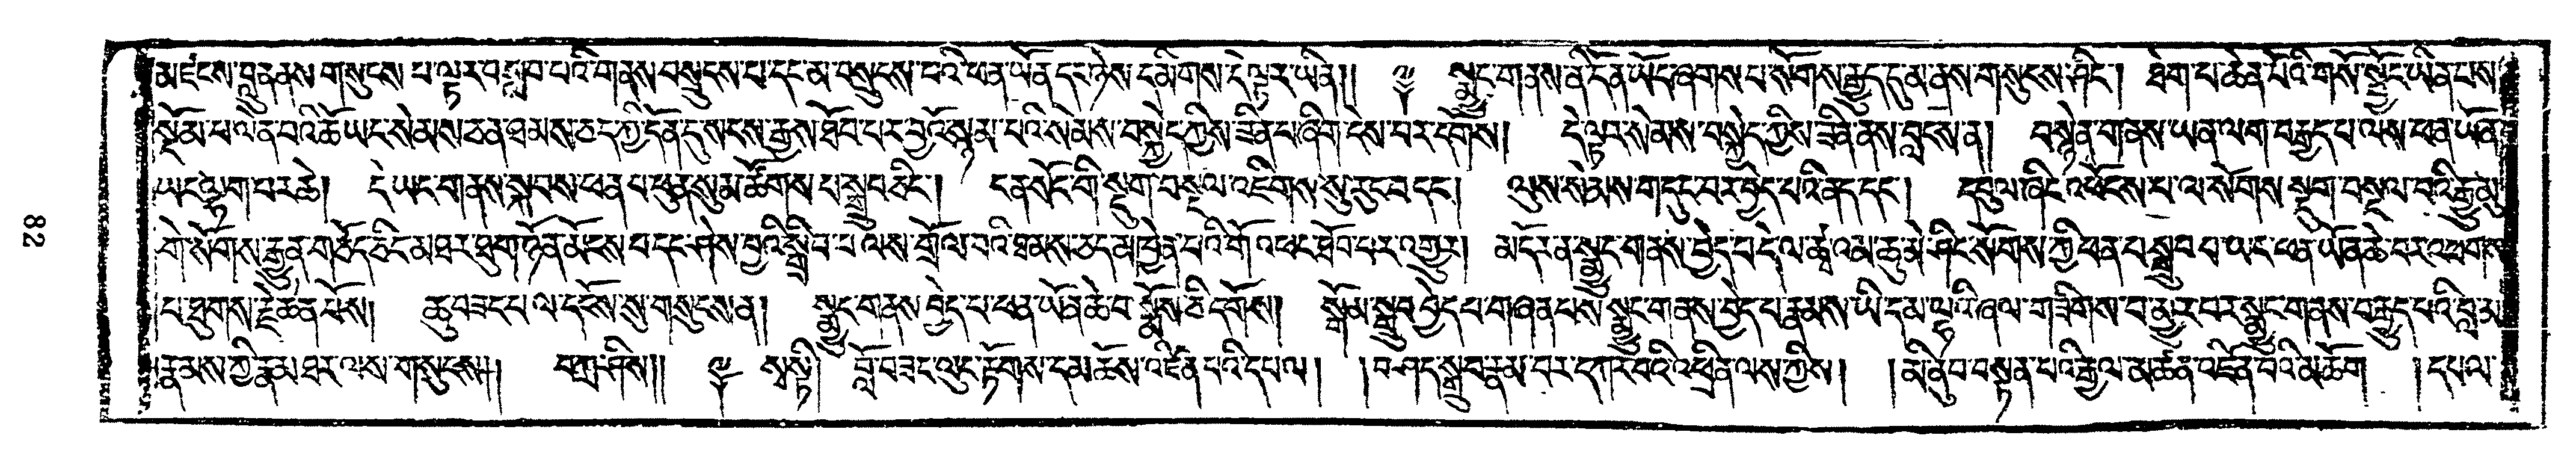མཛངས་བླུན་ནས་གསུངས་པ་ལྟར་བསླབ་པའི་གནས་བསྲུངས་པ་དང་མ་བསྲུངས་པའི་ཕན་ཡོན་དང་ཉེས་དམིགས་དེ་ལྟར་ཡིན།། ༈ སྨྱུང་གནས་ནི་དོན་ཡོད་ཞགས་པ་སོགས་རྒྱུད་དུ་མ་ནས་གསུངས་ཤིང་། ཐེག་པ་ཆེན་པོའི་གསོ་སྦྱོང་ཡིན་པས་
སྡོམ་པ་ལེན་པའི་ཆོ་ཡང་སེམས་ཅན་ཐམས་ཅད་ཀྱི་དོན་དུ་སངས་རྒྱས་ཐོབ་པར་བྱའོ་སྙམ་པའི་སེམས་བསྐྱེད་ཀྱིས་ཟིན་པ་ཞིག་ངེས་པར་དགོས། དེ་ལྟར་སེམས་བསྐྱེད་ཀྱིས་ཟིན་ནས་བླངས་ན། བསྙེན་གནས་ཡན་ལག་བརྒྱད་པ་ལས་ཕན་ཡོན་
ཡང་ལྷག་པར་ཆེ། དེ་ཡང་གནས་སྐབས་ཕན་པ་ཕུན་སུམ་ཚོགས་པ་སྒྲུབ་ཅིང་། ངན་སོང་གི་སྡུག་བསྔལ་འཇིགས་སུ་རུང་བ་དང་། ལུས་སེམས་གདུང་བར་བྱེད་པའི་ནད་དང་། དབུལ་ཞིང་འཕོངས་པ་ལ་སོགས་སྡུག་བསྔལ་བའི་རྒྱུ་མུ་
གེ་སོགས་རྒྱུན་གཅོད་ཅིང་མཐར་ཐུག་ཉོན་མོངས་པ་དང་ཤེས་བྱའི་སྒྲིབ་པ་ལས་གྲོལ་བའི་ཐམས་ཅད་མཁྱེན་པའི་གོ་འཕང་ཐོབ་པར་འགྱུར། མདོར་ན་སྨྱུང་གནས་བྱེད་པ་དེ་ལ་ཚྭ་འམ་ཆུ་མེ་ཤིང་སོགས་ཀྱི་ཕན་པ་སྒྲུབ་པ་ཡང་ཕན་ཡོན་ཆེ་བར་འཕགས་
པ་ཐུགས་རྗེ་ཆེན་པོས། ཆུ་བཟང་པ་ལ་དངོས་སུ་གསུངས་ན། སྨྱུང་གནས་བྱེད་པ་ཕན་ཡོན་ཆེ་བ་སྨོས་ཅི་དགོས། སྒོམ་སྒྲུབ་བྱེད་པ་གཞན་པས་སྨྱུང་གནས་བྱེད་པ་རྣམས་ཡི་དམ་ལྷའི་ཞལ་གཟིགས་བ་མྱུར་བར་སྨྱུང་གནས་བརྒྱུད་པའི་བླ་མ་
རྣམས་ཀྱི་རྣམ་ཐར་ལས་གསུངས།། བཀྲ་ཤིས།། ༈ སྭ་སྟི། བློ་བཟང་ལུང་རྟོགས་དམ་ཆོས་འཛིན་པའི་དཔལ། །བཤད་སྒྲུབ་རྣམ་པར་དཀར་བའི་འཕྲིན་ལས་ཀྱིས། །མི་ནུབ་བསྟན་པའི་རྒྱལ་མཚན་འཛིན་བའི་མཆོག། །དཔལ་